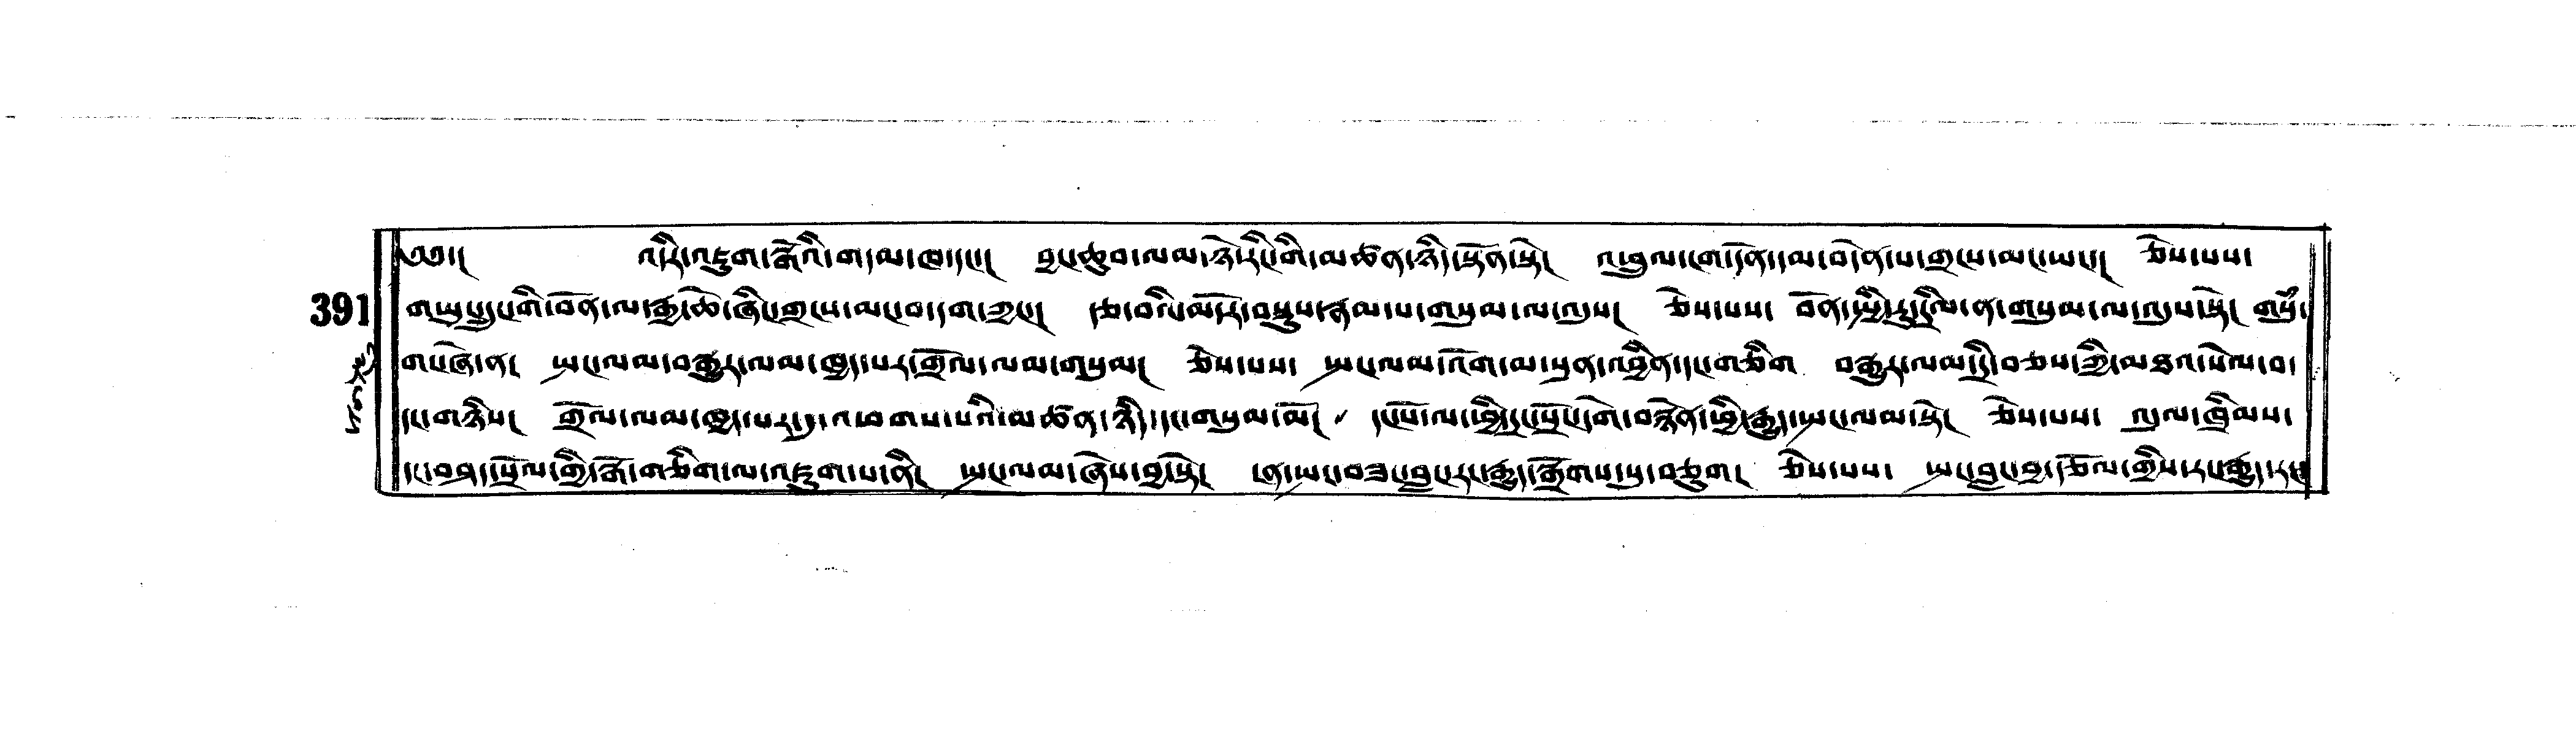འདིར་འཇུག་སྒོའི་གདམ་ཁ་དང་། བྱང་ཆུབ་ལམ་ཉེ་རིང་གི་མཚན་ཉིད་སྟོན་ཏེ། འཕྲུལ་ངག་དོན་དམ་བདེན་པ་གྲངས་མང་ཡང་། ཅེས་པས། 
གཡུང་དྲུང་གི་བོན་ལ་རྒྱ་ཆེ་ཞིང་གྲངས་མང་བ་དག་ཀྱང་། རྩ་བའི་མདོར་བསྡུས་རྣམ་པ་གསུམ་ལ་འདུས། ཅེས་པས། བོན་སྤྱི་རུ་དྲིལ་ན་གསུམ་དུ་འདུས་ཏེ། གསུམ་
གང་ཞེ་ན། སྤང་ལམ་སྒྱུར་ལམ་གྲོལ་ལམ་གསུམ། ཅེས་པས། སྤང་ལམ་འོག་མ་སུན་འབྱིན་དང་གཅིག སྒྱུར་ལམ་དྲི་བཅས་ཀྱི་མཐའ་སེལ་བ་
དང་གཉིས། གྲོལ་ལམ་ཁྱད་པར་དུ་འཕགས་པའི་མཚན་ཉིད་དང་གསུམ་མོ། དང་པོ་ལ་ཕྱི་དྲང་སྲོང་དགེ་བསྙེན་ཕྱི་རྒྱུད་སྤང་ལམ་སྟེ ཅེས་པས། འདུལ་ཁྲིམས་
དང་བཤད་སྲོལ་གྱི་སྒོ་གཅིག་ལ་འཇུག་པ་ནི་སྤང་ལམ་ཞེས་བྱ་སྟེ། ངན་སྤོང་བཟང་བླང་རང་རྒྱུད་སྒྲོགས་སུ་བཅུག ཅེས་པས། སྤང་བྱ་བྱ་རྩོལ་གྱིས་རང་རྒྱུད་རང་